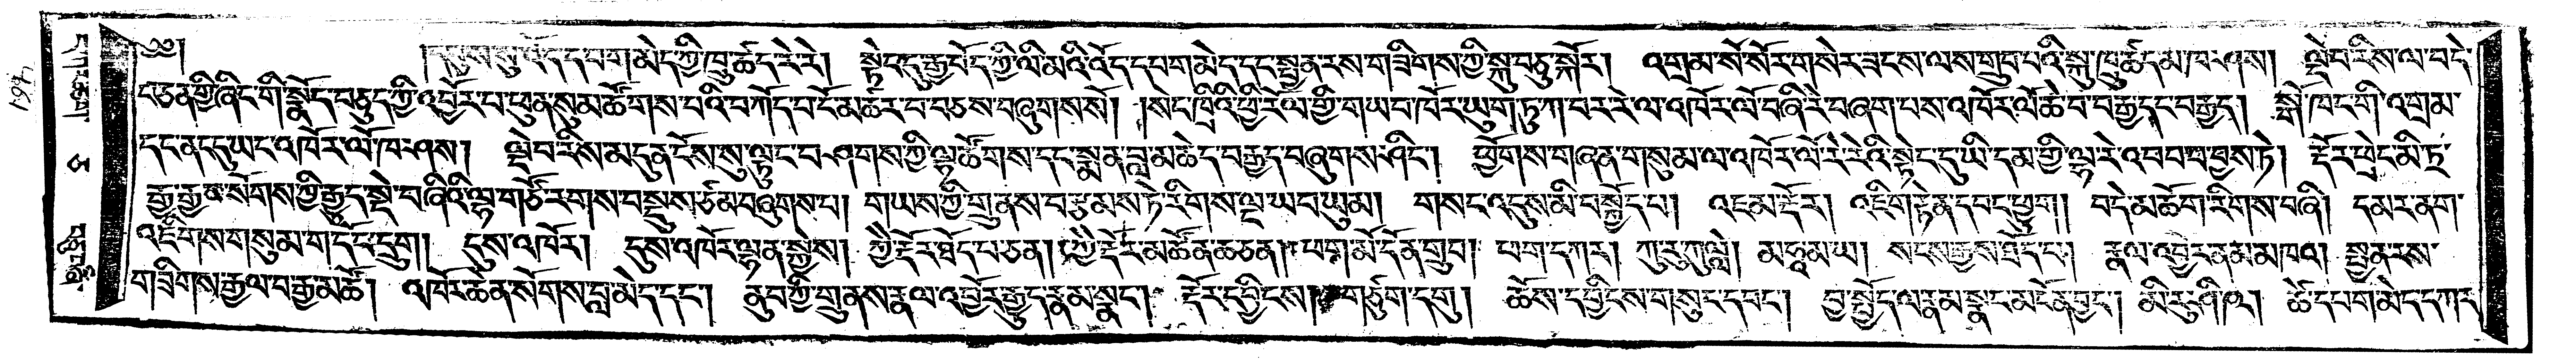༄༅། །དབུས་སུ་འོད་དཔག་མེད་ཀྱི་ཁྲུ་ཚད་རེ་རེ། སྟེང་དུ་རྒྱ་བོད་ཀྱི་ལི་མའི་འོད་དཔག་མེད་དང་སྤྱན་རས་གཟིགས་ཀྱི་སྐུ་བཅུ་སྐོར། འགྲམ་སོ་སོར་གསེར་ཟངས་ལས་གྲུབ་པའི་སྐུ་ཁྲུ་ཚད་མ་ཁ་ཤས། ལྡེབ་རིས་ལ་བདེ་
བ་ཅན་གྱི་ཞིང་གི་སྣོད་བཅུད་ཀྱི་འབྱོར་པ་ཕུན་སུམ་ཚོགས་པའི་བཀོད་པ་ངོ་མཚར་བ་བཅས་བཞུགས་སོ། །སེང་ཁྲིའི་ཕྱི་རོལ་གྱི་གཡབ་ཁོར་ཡུག་ཏུ་ཀ་བར་རེ་ལ་འཁོར་ལོ་བཞི་རེ་བཞག་བས་འཁོར་ལོ་ཆེ་བ་བརྒྱ་དང་བརྒྱད། སྒོ་ཁང་གི་འགྲམ་
དང་ནང་དུ་ཡང་འཁོར་ལོ་ཁ་ཤས། ལྡེབ་རིས་མདུན་ངོས་སུ་ལྟུང་བཤགས་ཀྱི་ལྷ་ཚོགས་དང་སྨན་བླ་མ་ཆེད་བརྒྱད་བཞུགས་ཤིང་། ཕྱོགས་གཞན་གསུམ་ལ་འཁོར་ལོ་རེ་རེའི་སྟེང་དུ་ཡི་དམ་གྱི་ལྷ་རེ་འབབ་བ་བྱས་ཏེ། རྡོར་ཕྲེང་མི་ཏྲ་
རྒྱ་རྒྱས་སོགས་ཀྱི་རྒྱུད་སྡེ་བཞིའི་ལྷ་གཙོ་རགས་བསྡུས་ཙམ་བཞུགས་པ། གཡས་ཀྱི་གྲུ་ནས་བརྩམས་ཏེ་རིགས་ལྔ་ཡབ་ཡུམ། གསང་འདུས་མི་བསྐྱོད་པ། འཇམ་རྡོར། འཇིག་རྟེན་དབང་ཕྱུག། བདེ་མཆོག་རིགས་བཞི། དམར་ནག་
འཇིགས་གསུམ་གདོང་དྲུག། དུས་འཁོར། དུས་འཁོར་ལྷན་སྐྱེས། ཀྱཻ་རྡོར་ཐོད་པ་ཅན། ཀྱཻ་རྡོར་མཚོན་ཆ་ཅན། ཕག་མོ་དོན་གྲུབ། ཕག་དཀར། ཀུ་རུ་ཀུལླེ། མཧཱ་མ་ཡ། སངས་རྒྱས་ཐོད་པ། རྣལ་འབྱོར་ནམ་མཁའ། སྤྱན་རས་
གཟིགས་རྒྱལ་བརྒྱ་མཚོ། འཁོར་ཆེན་སོགས་བླ་མེད་དང་། ནུབ་ཀྱི་གྲུ་ནས་རྣལ་འབྱོར་རྒྱུད་རྣམ་སྣང་། རྡོར་དབྱིངས། གཙུག་དགུ། ཆོས་དབྱིངས་གསུང་དབང་། བྱ་སྤྱོད་ལ་རྣམ་སྣང་མངོན་བྱང་། མི་རུ་ཤི་ཥ། ཚེ་དཔག་མེད་དཀར་